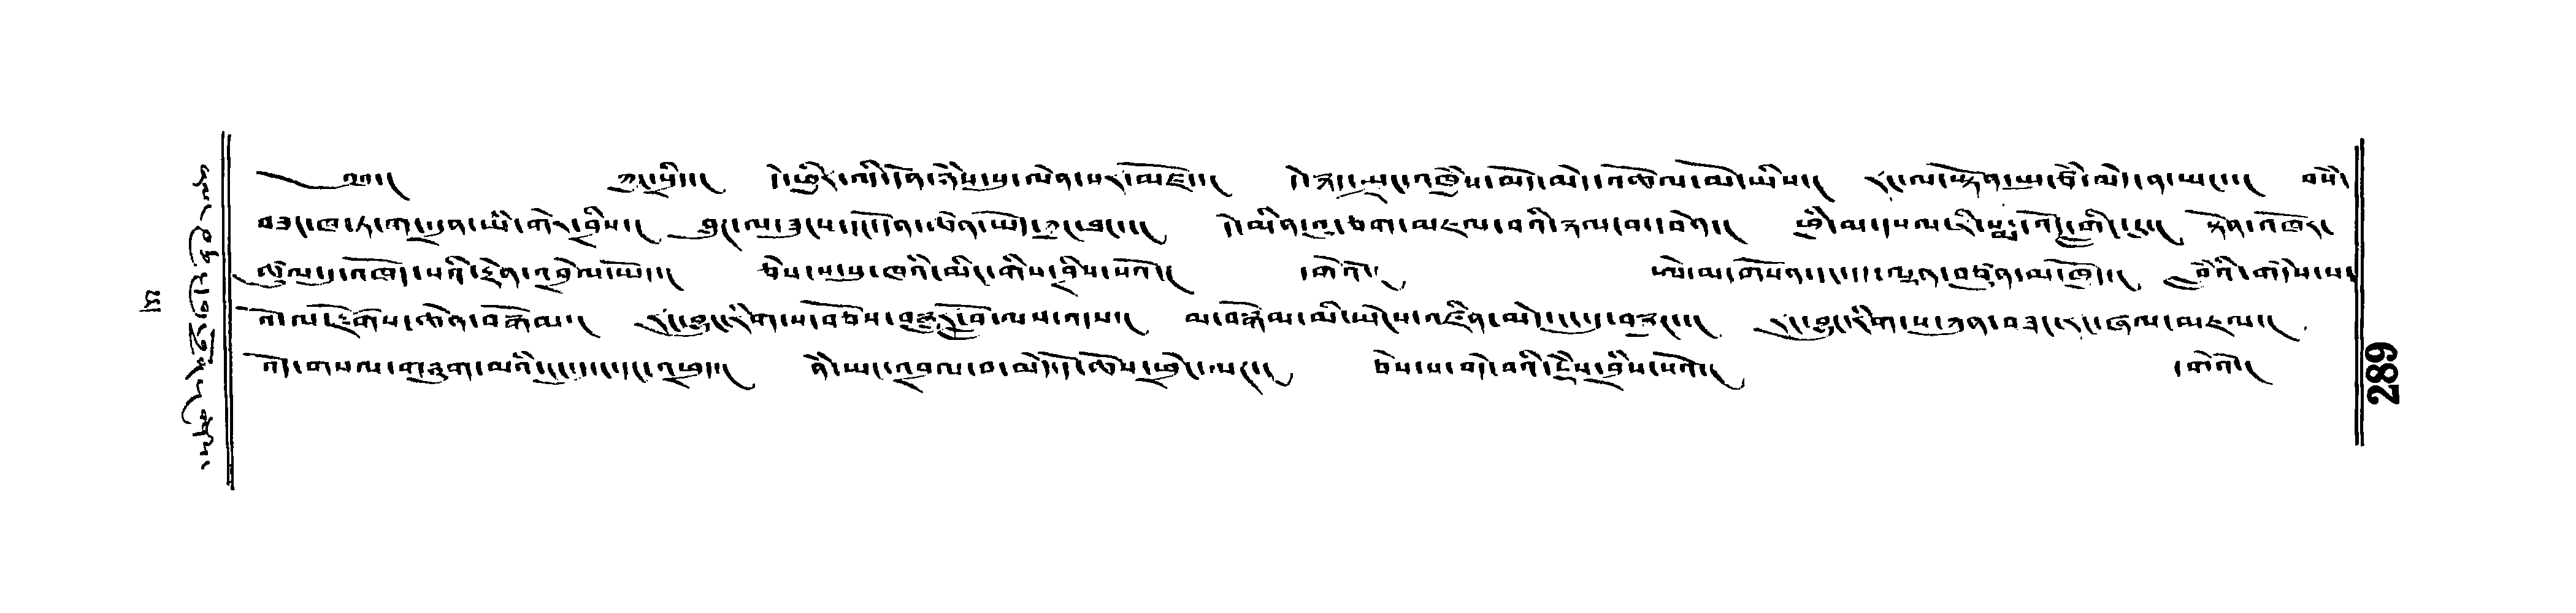ཀྱང་སྲིད། །དེ་ཕྱིར་འདི་དོན་ཉམས་སུ་ལེན་པར་མཛོད། །དེ་སྐད་སྤྲང་འཁྱམས་མདོ་མེད་འཆོལ་མོ་ཡིས། །རང་ལ་ཡོན་ཏན་སྤུ་ཙམ་མེད་ན་ཡང་། །བསམ་
བཟང་ཁ་ཏ་གང་དྲན་ཡི་གེར་བྲིས། །ཐུགས་ལ་ཟུངས་དང་དོན་ཆེན་ཡོད་ཀྱང་ཐང་། །དེ་མིན་འུ་ཅག་མཇལ་བའི་སྐལ་བ་དབེན། །ཕྱི་མ་དཔལ་རི་པདྨ་འོད་གླིང་དུ། །སྟོན་འཁོར་
ཚུལ་དུ་འཁོད་པའི་རྟེན་འབྲེལ་ཡོད། ཅེས་པ་སུ་ཁའི་མིང་གིས་བྲིས་པའོ།། དགེའོ།། ཨེ་མ་གསོན་དང་དད་ལྡན་བཙུན་མ་ཁྱོད། །བླ་མའི་གདམས་པ་
འོད་གསལ་རྫོགས་ཆེན་བསྒོམ། །རང་བྱུང་རིག་པ་བཅོས་བསྒྱུར་བློ་ལས་འདས། །མ་བསྒོམ་མི་ཡེངས་འཛིན་མེད་ངང་དུ་བསྐྱང་། །རང་བྱུང་རིག་པ་ཀུན་བཟང་རང་ཞལ་མཇལ། །
འོད་གསལ་གཉུག་མའི་ངང་དུ་ང་དང་འཕྲད། །ནམ་ཡང་འབྲལ་བ་མེད་དོ་ཆོས་ཕྲེང་ལགས། ཅེས་པ་བདེ་བའི་རྡོ་རྗེས་བྲིས་པའོ། དགེའོ།།